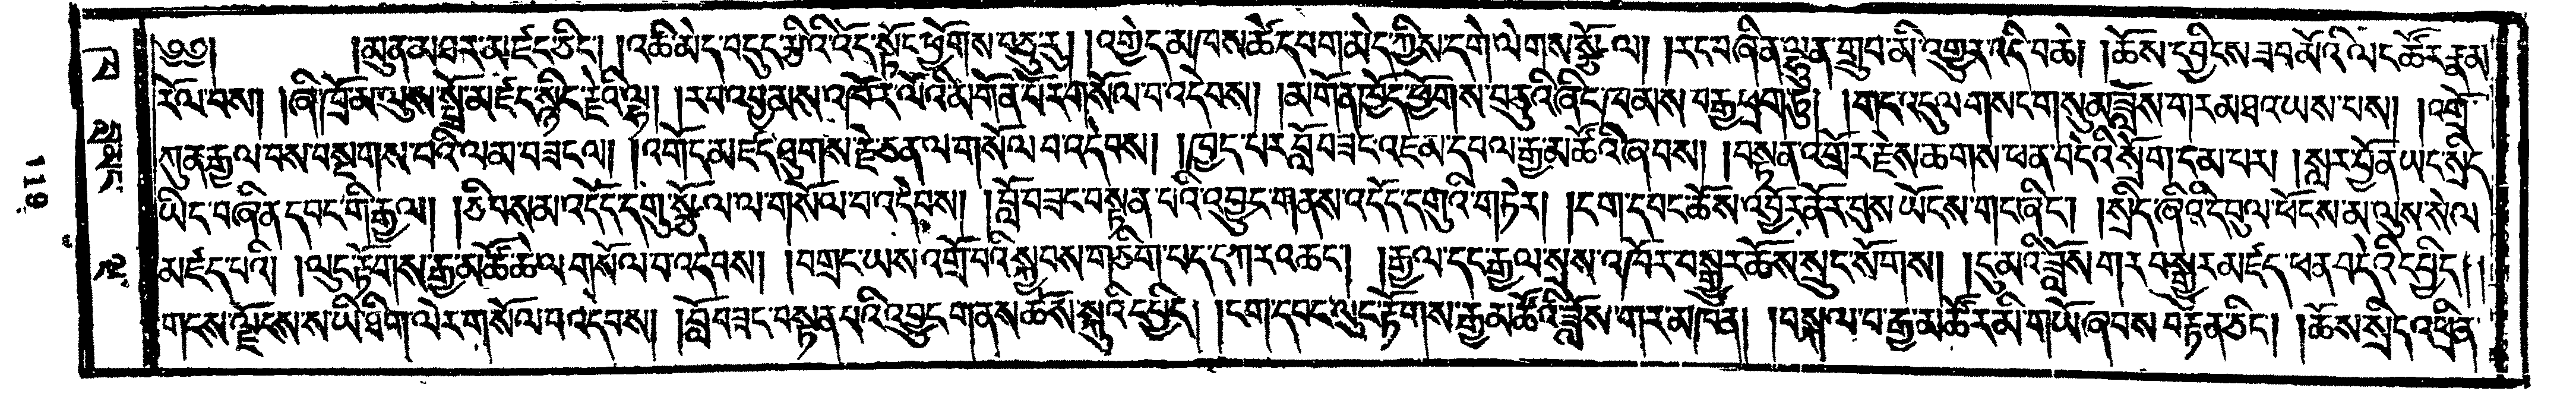༄༅། །མུན་མཐར་མཛད་ཅིང་། །འཆི་མེད་བདུད་རྩིའི་འོད་སྟོང་ཕྱོགས་བཅུ་རུ། །འགྱེད་མཁས་ཚེ་དཔག་མེད་ཀྱིས་དགེ་ལེགས་སྩོལ། །རང་བཞིན་ལྷུན་གྲུབ་མི་འགྱུར་འདི་བ་ཆེ། །ཆོས་དབྱིངས་ཟབ་མོའི་ལང་ཚོར་རྣམ་
རོལ་བས། །ཞི་ཁྲོ་མ་ལུས་སྤྲོ་མཛད་སྙིང་རྗེའི་ལྷ། །རབ་འབྱམས་འཁོར་ལོའི་མགོན་པོར་གསོལ་བ་འདེབས། །མགོན་ཁྱོད་ཕྱོགས་བཅུའི་ཞིང་ཁམས་བརྒྱ་ཕྲག་ཏུ། །གང་འདུལ་གསང་གསུམ་ཟློས་གར་མཐའ་ཡས་པས། །འགྲོ་
ཀུན་རྒྱལ་བས་བསྔགས་བའི་ལམ་བཟང་ལ། །འགོད་མཛད་ཐུགས་རྗེ་ཅན་ལ་གསོལ་བ་འདེབས། །ཁྱད་པར་བློ་བཟང་འཇམ་དཔལ་རྒྱ་མཚོའི་ཞབས། །བསྟན་འགྲོར་རྗེས་ཆགས་ཕན་བདེའི་སྲོག་དམ་པར། །སླར་བྱོན་ཡང་སྲིད་
ཡིད་བཞིན་དབང་གི་རྒྱལ། །ཅི་བསམ་འདོད་དགུ་སྩོལ་ལ་གསོལ་བ་འདེབས། །བློ་བཟང་བསྟན་པའི་འབྱུང་གནས་འདོད་དགུའི་གཏེར། །ངག་དབང་ཆོས་འབྱོར་ནོར་བུས་ཡོངས་གང་ཞིང་། །སྲིད་ཞིའི་དབུལ་ཕོངས་མ་ལུས་སེལ་
མཛད་པའི། །ལུང་རྟོགས་རྒྱ་མཚོ་ཆེ་ལ་གསོལ་བ་འདེབས། །བགྲང་ཡས་འགྲོ་བའི་སྐྱབས་གཅིག་པད་དཀར་འཆང་། །རྒྱལ་དང་རྒྱལ་སྲས་འཁོར་བསྒྱུར་ཆོས་སྲུང་སོགས། །དུ་མའི་ཟློས་གར་བསྒྱུར་མཛད་ཕན་བདེའི་དཔྱིད། །
གངས་ལྗོངས་ས་ཡི་ཐིག་ལེར་གསོལ་བ་འདེབས། །བློ་བཟང་བསྟན་པའི་འབྱུང་གནས་ཆོས་སྐུའི་དཔྱིད། །ངག་དབང་ལུང་རྟོགས་རྒྱ་མཚོའི་ཟློས་གར་མཁན། །བསྐལ་པ་རྒྱ་མཚོར་མི་གཡོ་ཞབས་བརྟན་ཅིང་། །ཆོས་སྲིད་འཕྲིན་